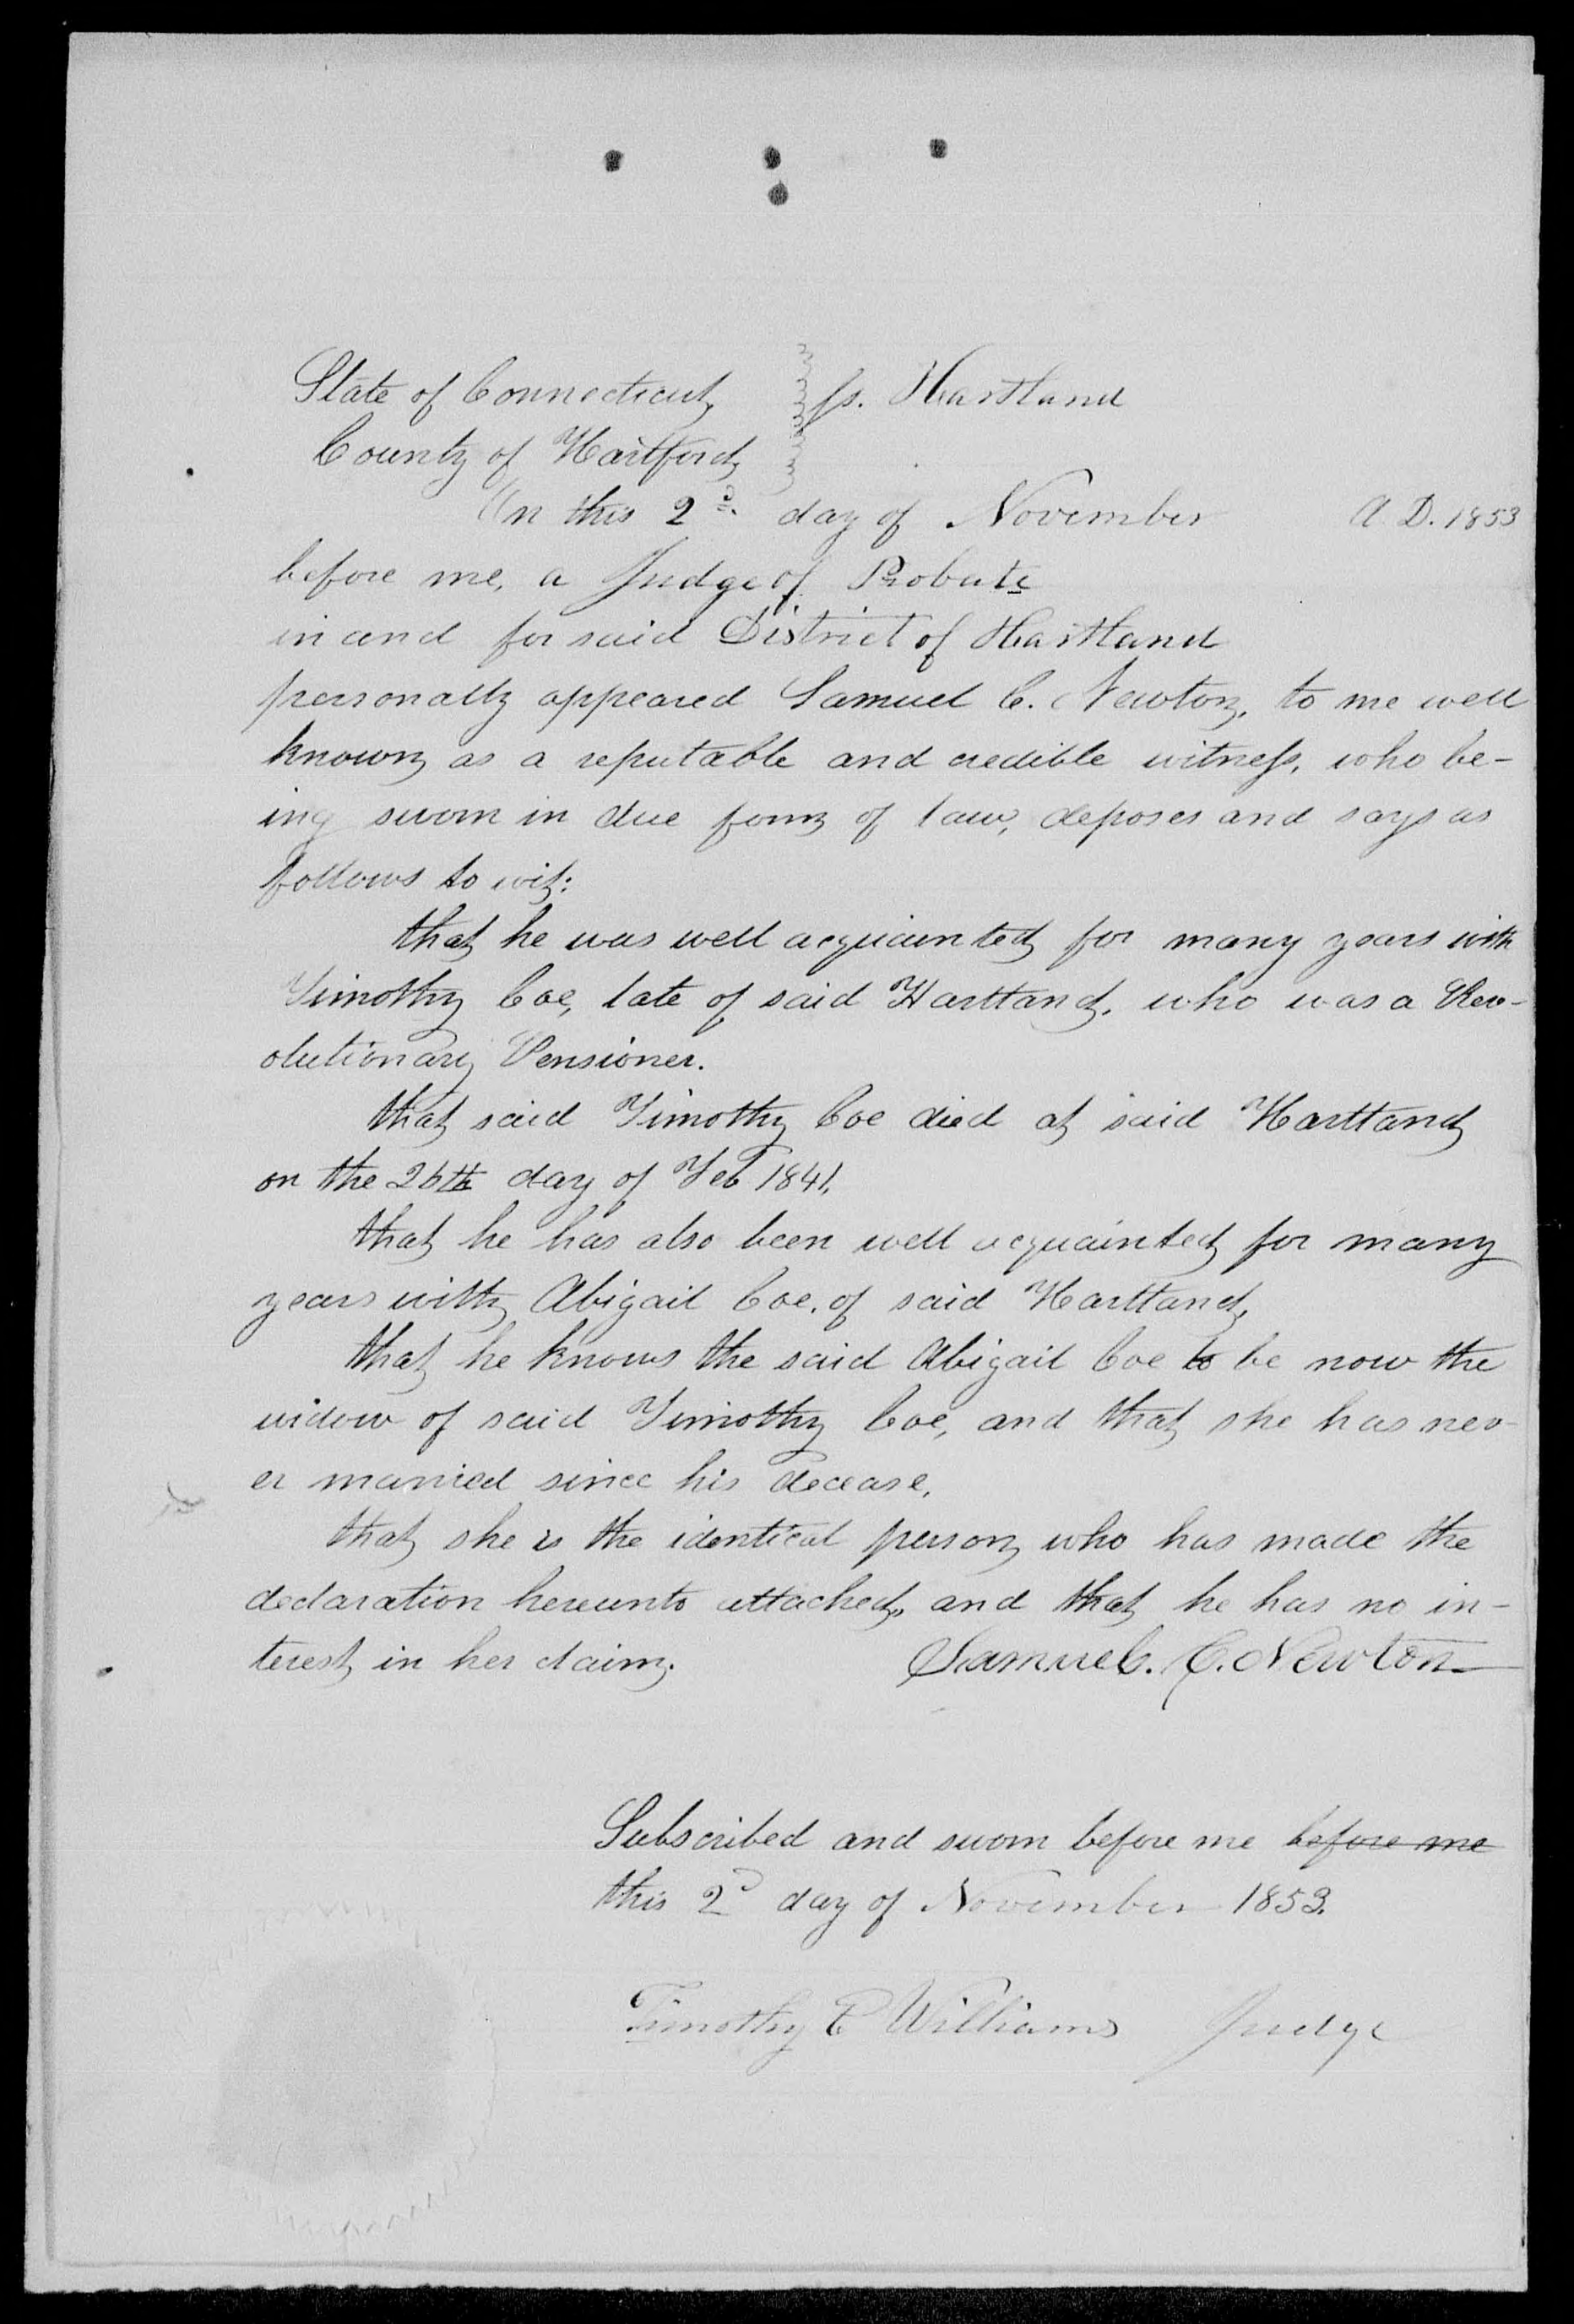State of Connecticut
County of Harford} ss. Hartland
On this 2d day of November AD 1853 before me, a Judge of Probate in and for said District of Hartland personally appeared Samuel C. Newton, to me well known as a reputable and credible witness, who being sworn in due form of law, deposes and says as follows to wit:
That he was well acquainted for many years with Timothy Coe, late of said Hartland, who was a Revolutionary Pensioner.
That said Timothy Coe died at said Hartland on the 26th day of Feb 1841.
That he has also been well acquainted for many years with Abigail Coe, of said Hartland.
That he knows the said Abigail Coe to be now the widow of said Timothy Coe, and that she has never married since his decease.
That she is the identical person who has made the declaration hereunto attached, and that he has no interest in her claim.
Samuel C. Newton

Subscribed and sworn before me this 2d day of November 1853.
Timothy E. Williams Judge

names: Samuel C Newton, Timothy Coe, Timothy Coe, Abigail Coe, Timothy Coe, Samuel C Newton, Timothy E Williams, Abigail Coe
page: 57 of 76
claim: widow's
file: W. 5,250, Timothy Coe, Conn.